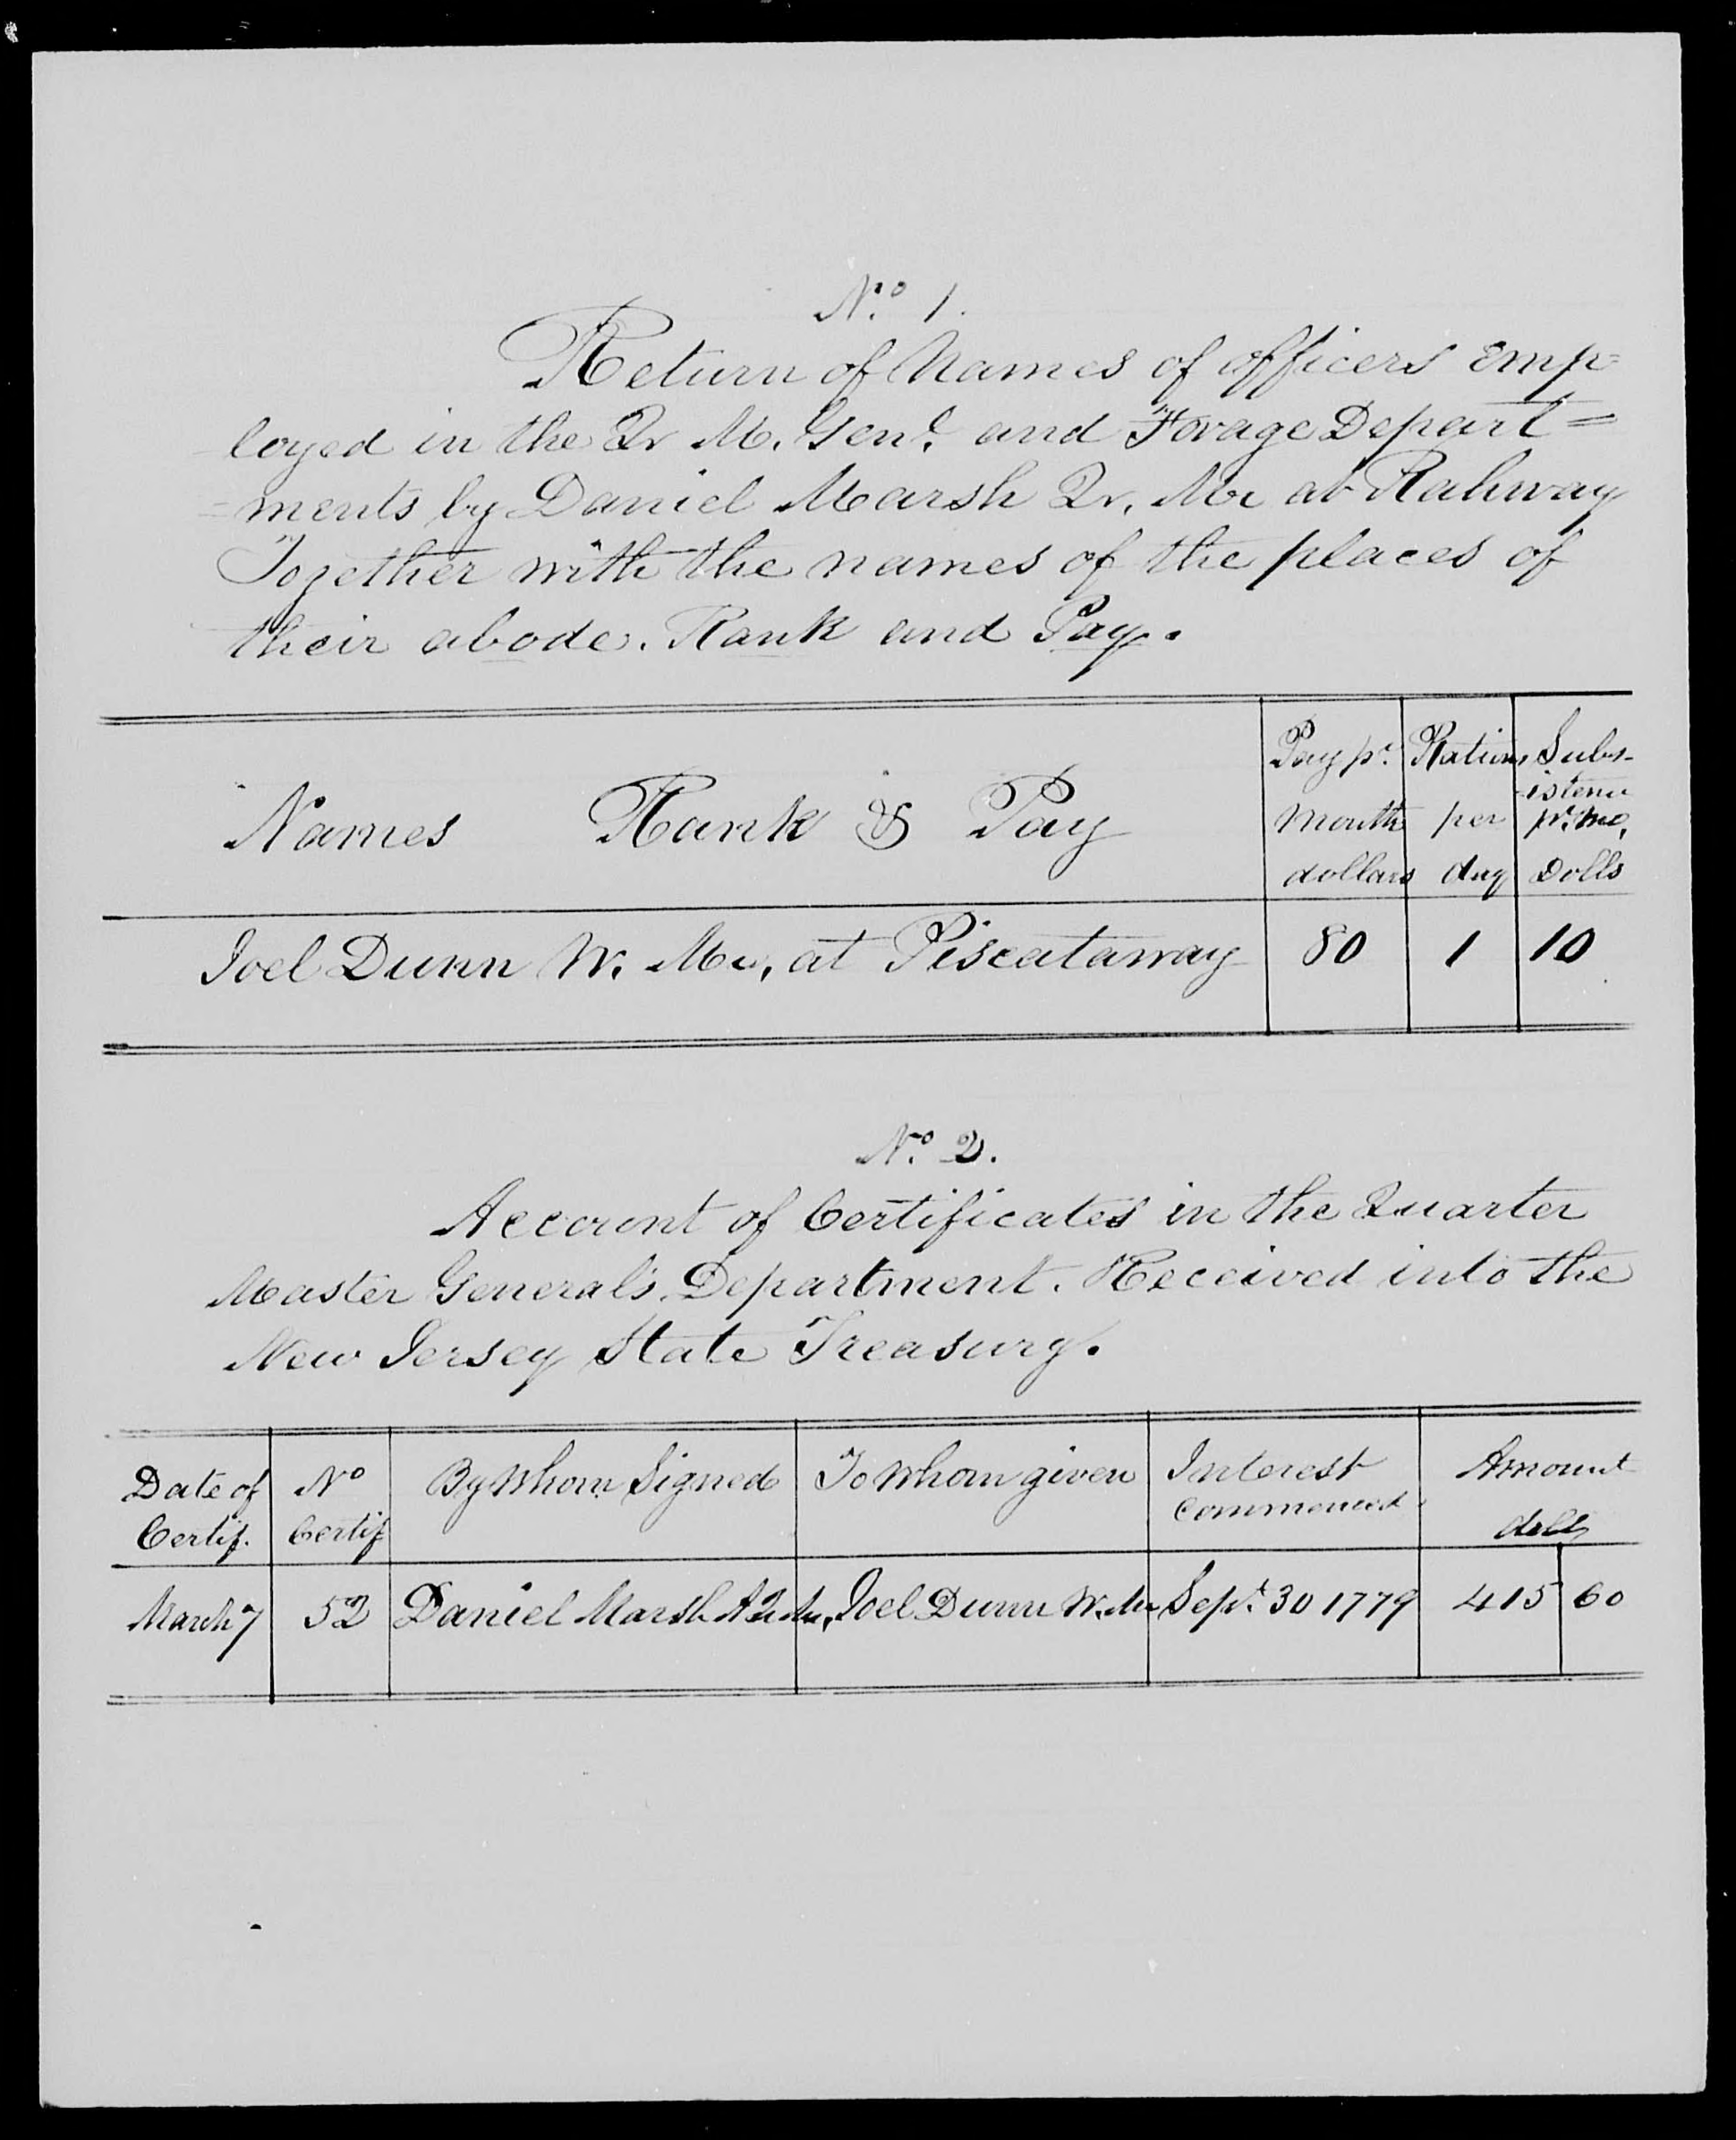No 1.
Return of names of officers 
employed in the Qr M. Genl and Forage Departments by Daniel Marsh Qr Mr at Rahway.
Together with the names of the places of 
their abode. Rank and Pay.
Names
Rank & Pay
Joel Dunn W. M. at Piscataway
Pay per
month
dollars
80

Rations
per 
day
1

Subsistence 
per mo.
Dolls
10

No 2.
Account of Certificates in the Quarter
Master General's Department. Received into the
New Jersey State Treasury

Date of
Certif
March 7

No
Certif
52

By Whom Signed
Daniel Marsh [illegible]

To whom given
Joel Dunn W. M.

Interest
Commenced
Sept 30 1779

Amount
dollars
415.60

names: Joel Dunn, Daniel Marsh, Daniel Marsh, Joel Dunn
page: 40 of 52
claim: widow's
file: W. 919, Joel Dunn, New Jersey